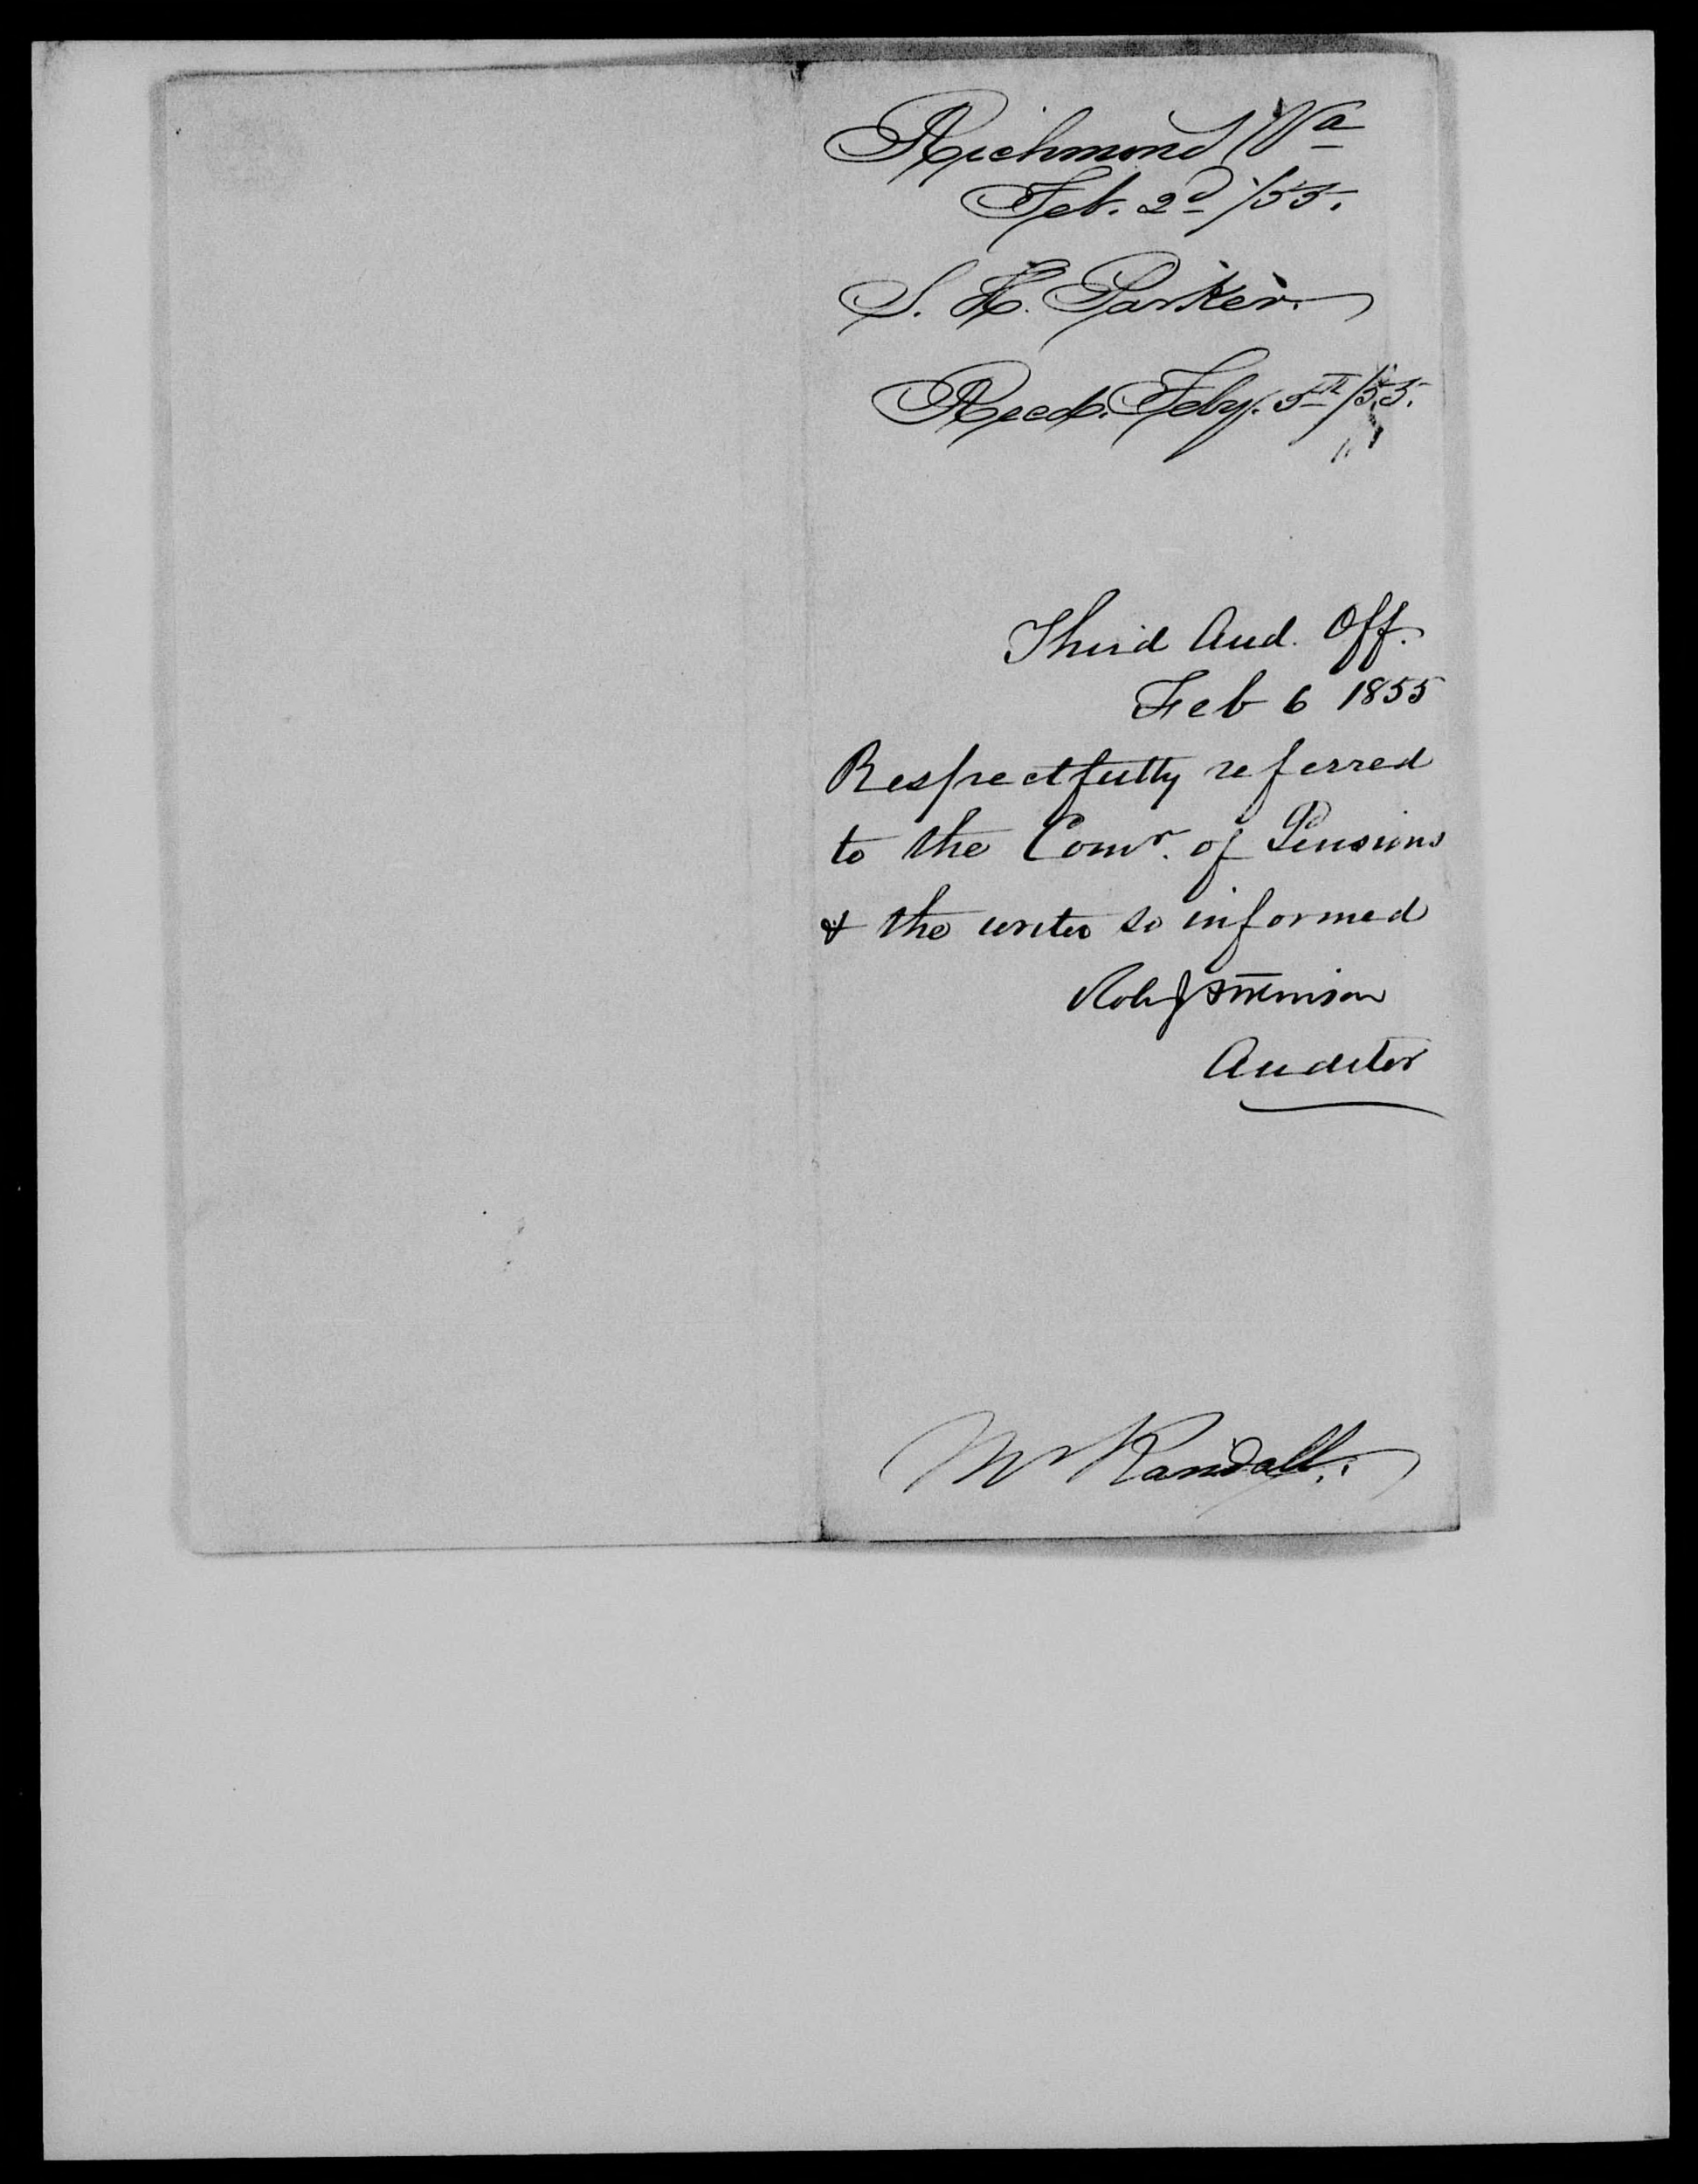Richmond Va
Feb. 2d/55.
S. C. Parker
Recd. Feby. 5th/55.

Third Aud. Off.
Feb 6 1855

Respectfully referred to the Comr. of Pensions + the writer so informed

Rob Johnson
Auditor

Mr Randall.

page: 43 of 78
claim: widow's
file: W. 25,169, for Daniel Sullivan, Maryland